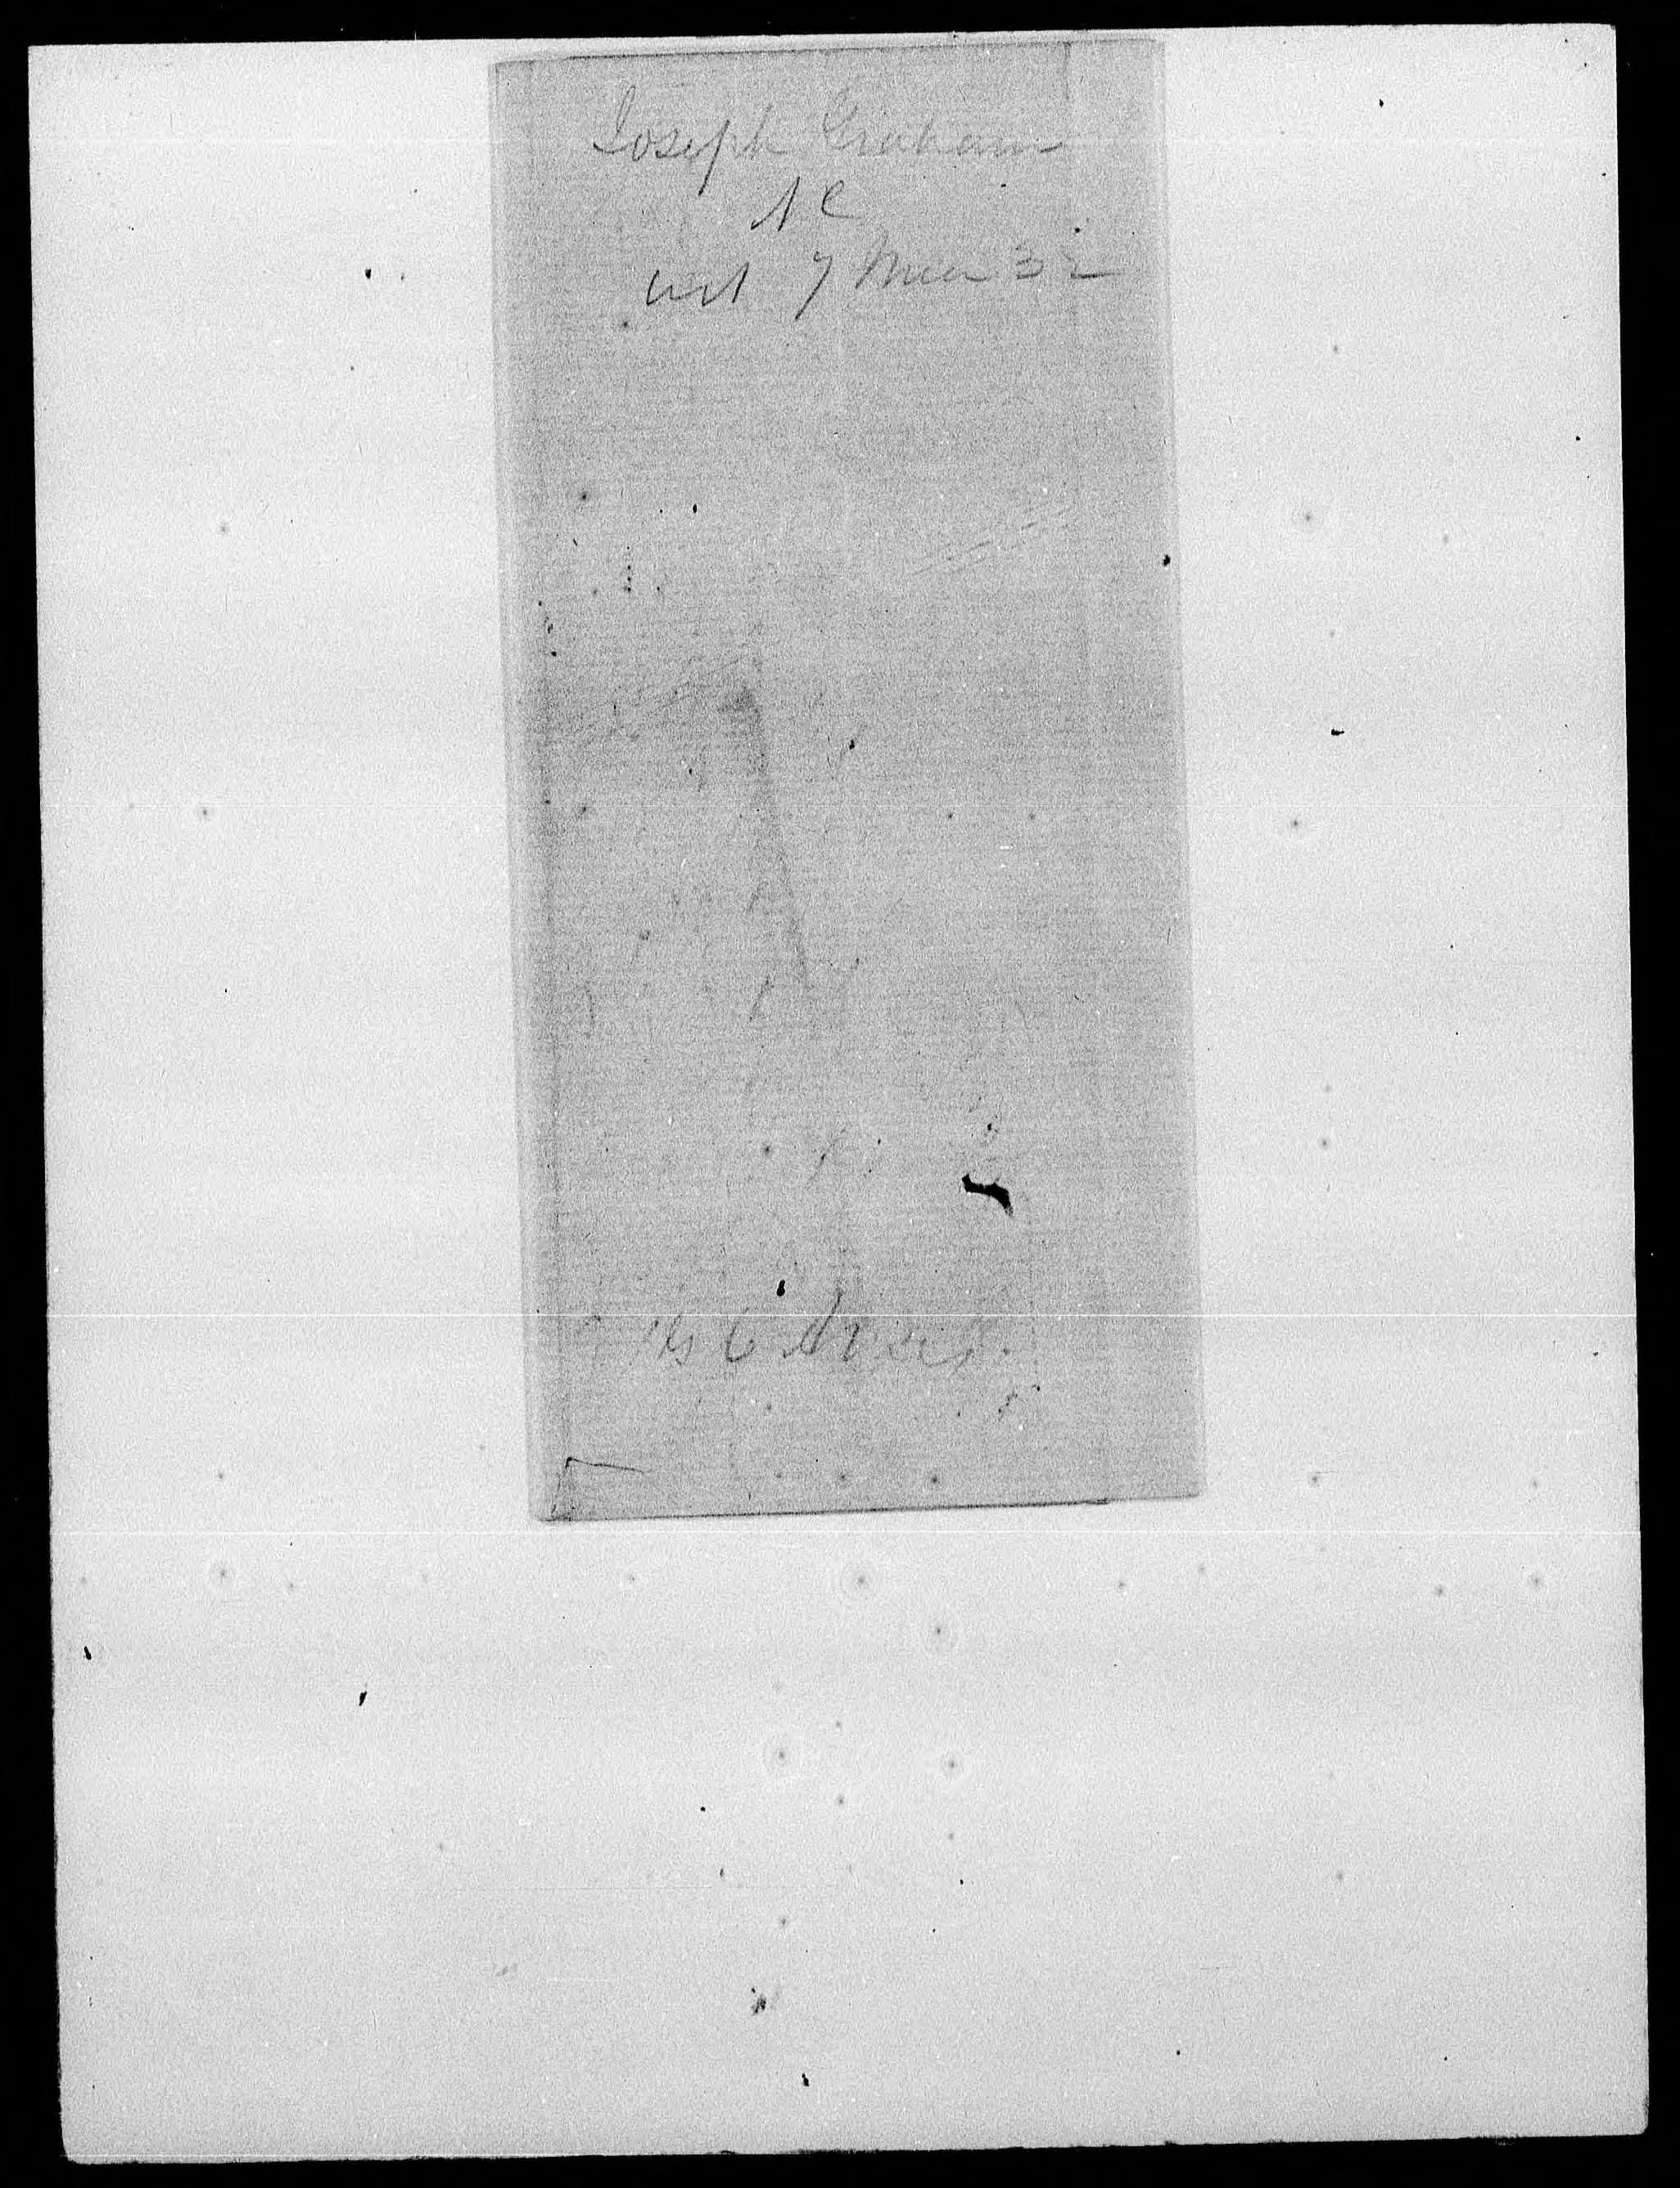Joseph Graham
N. C. 
Act 7 Mar 32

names: Joseph Graham, G C Ames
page: 51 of 55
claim: survivor's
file: S. 6,937, Joseph Graham, N.C.